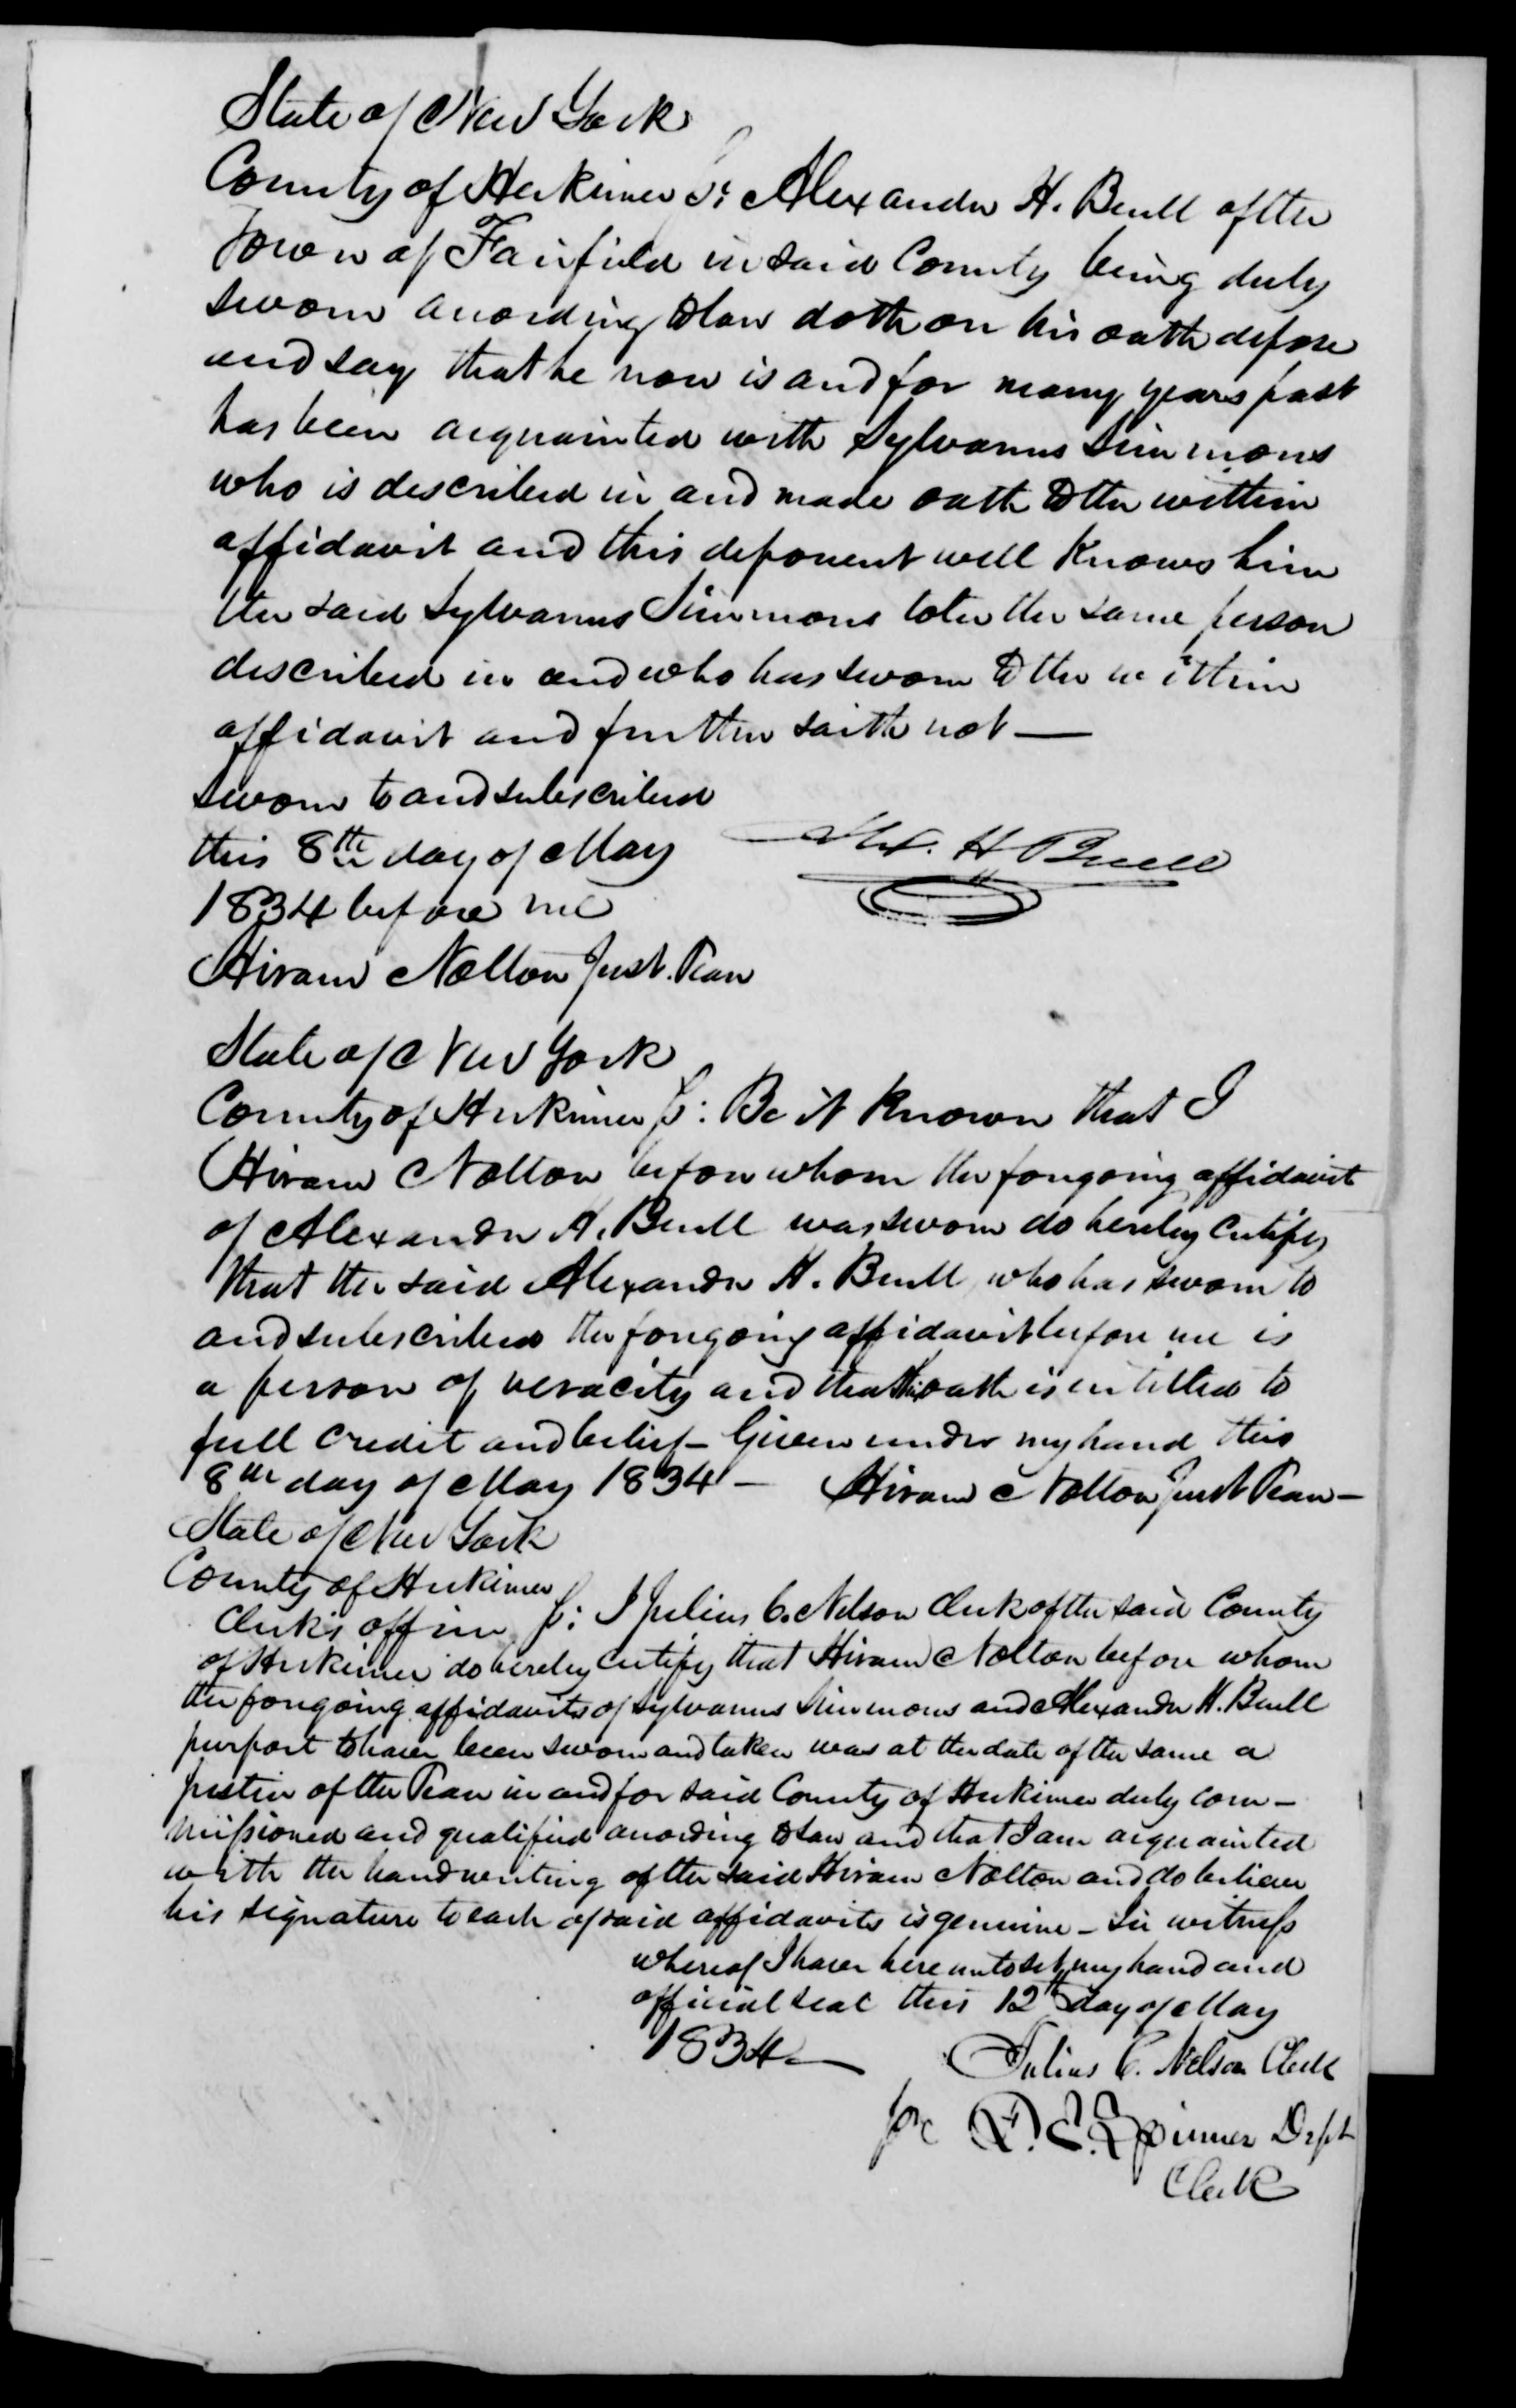State of New York
County of Herkimer S. Alexander H. Buell of the
Town of Fairfield in said County being duly
sworn according to law doth on his oath depose
and say that he now is and for many years past
has been acquainted with Sylvanus Simmons
who is described in and made oath to the within
affidavit and this deponent well knows him
the said Sylvanus Simmons to be the same person
described in and who has sworn to the within
affidavit and further saith not-
Sworn to and subscribed
this 8th day of May
1834 before me
Hiram Nolton Just. Peace

Alex. H Buell
---
State of New York
County of Herkimer ss: Be it Known that I
Hiram Nolton before whom the foregoing affidavit
of Alexander A. Buell was sworn do hereby certify
that the said Alexander H. Buell who has sworn to
and subscribed the foregoing affidavit before me is 
a person of veracity and that said oath is entitled to
full credit and belief. Given under my hand this
8th day of May 1834 - Hiram Nolton Just Peace
----
State of New York
County of Herkimer 
Clerk's office ss:  I Julius C. Nelson Clerk of the said County
of Herkimer do hereby certify that Hiram Nolton before whom
the foregoing affidavit of Sylvanus Simmons and Alexander H. Buell
purport to have been sworn and taken was at the date of the same a
Justice of the Peace in and for said County of Herkimer duly 
commissioned and qualified according to law and that I am acquainted 
with the handwriting of the said Hiram Nolton and do believe
his signature to each of said affidavits is genuine - In witness
whereof I have hereunto set my hand and
official seal this 12 day of May
1834.
Julius C. Nelson Clerk
[illegible] F. E. Spinner Dept
Clerk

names: Hiram Nolton; Julius C Nelson; Hiram Nolton; Hiram Nolton; Julius C Nelson; Sylvanus Simmons; Hiram Nolton; Alexander H Buell; Alexander H Buell; Alex H Buell; Sylvanus Simmons; Alexander H Buell; Hiram Nolton; Sylvanus Simmons; Alexander H Buell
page: 8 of 31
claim: survivor's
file: S. 14484, for Sylvanus Simmons, New York